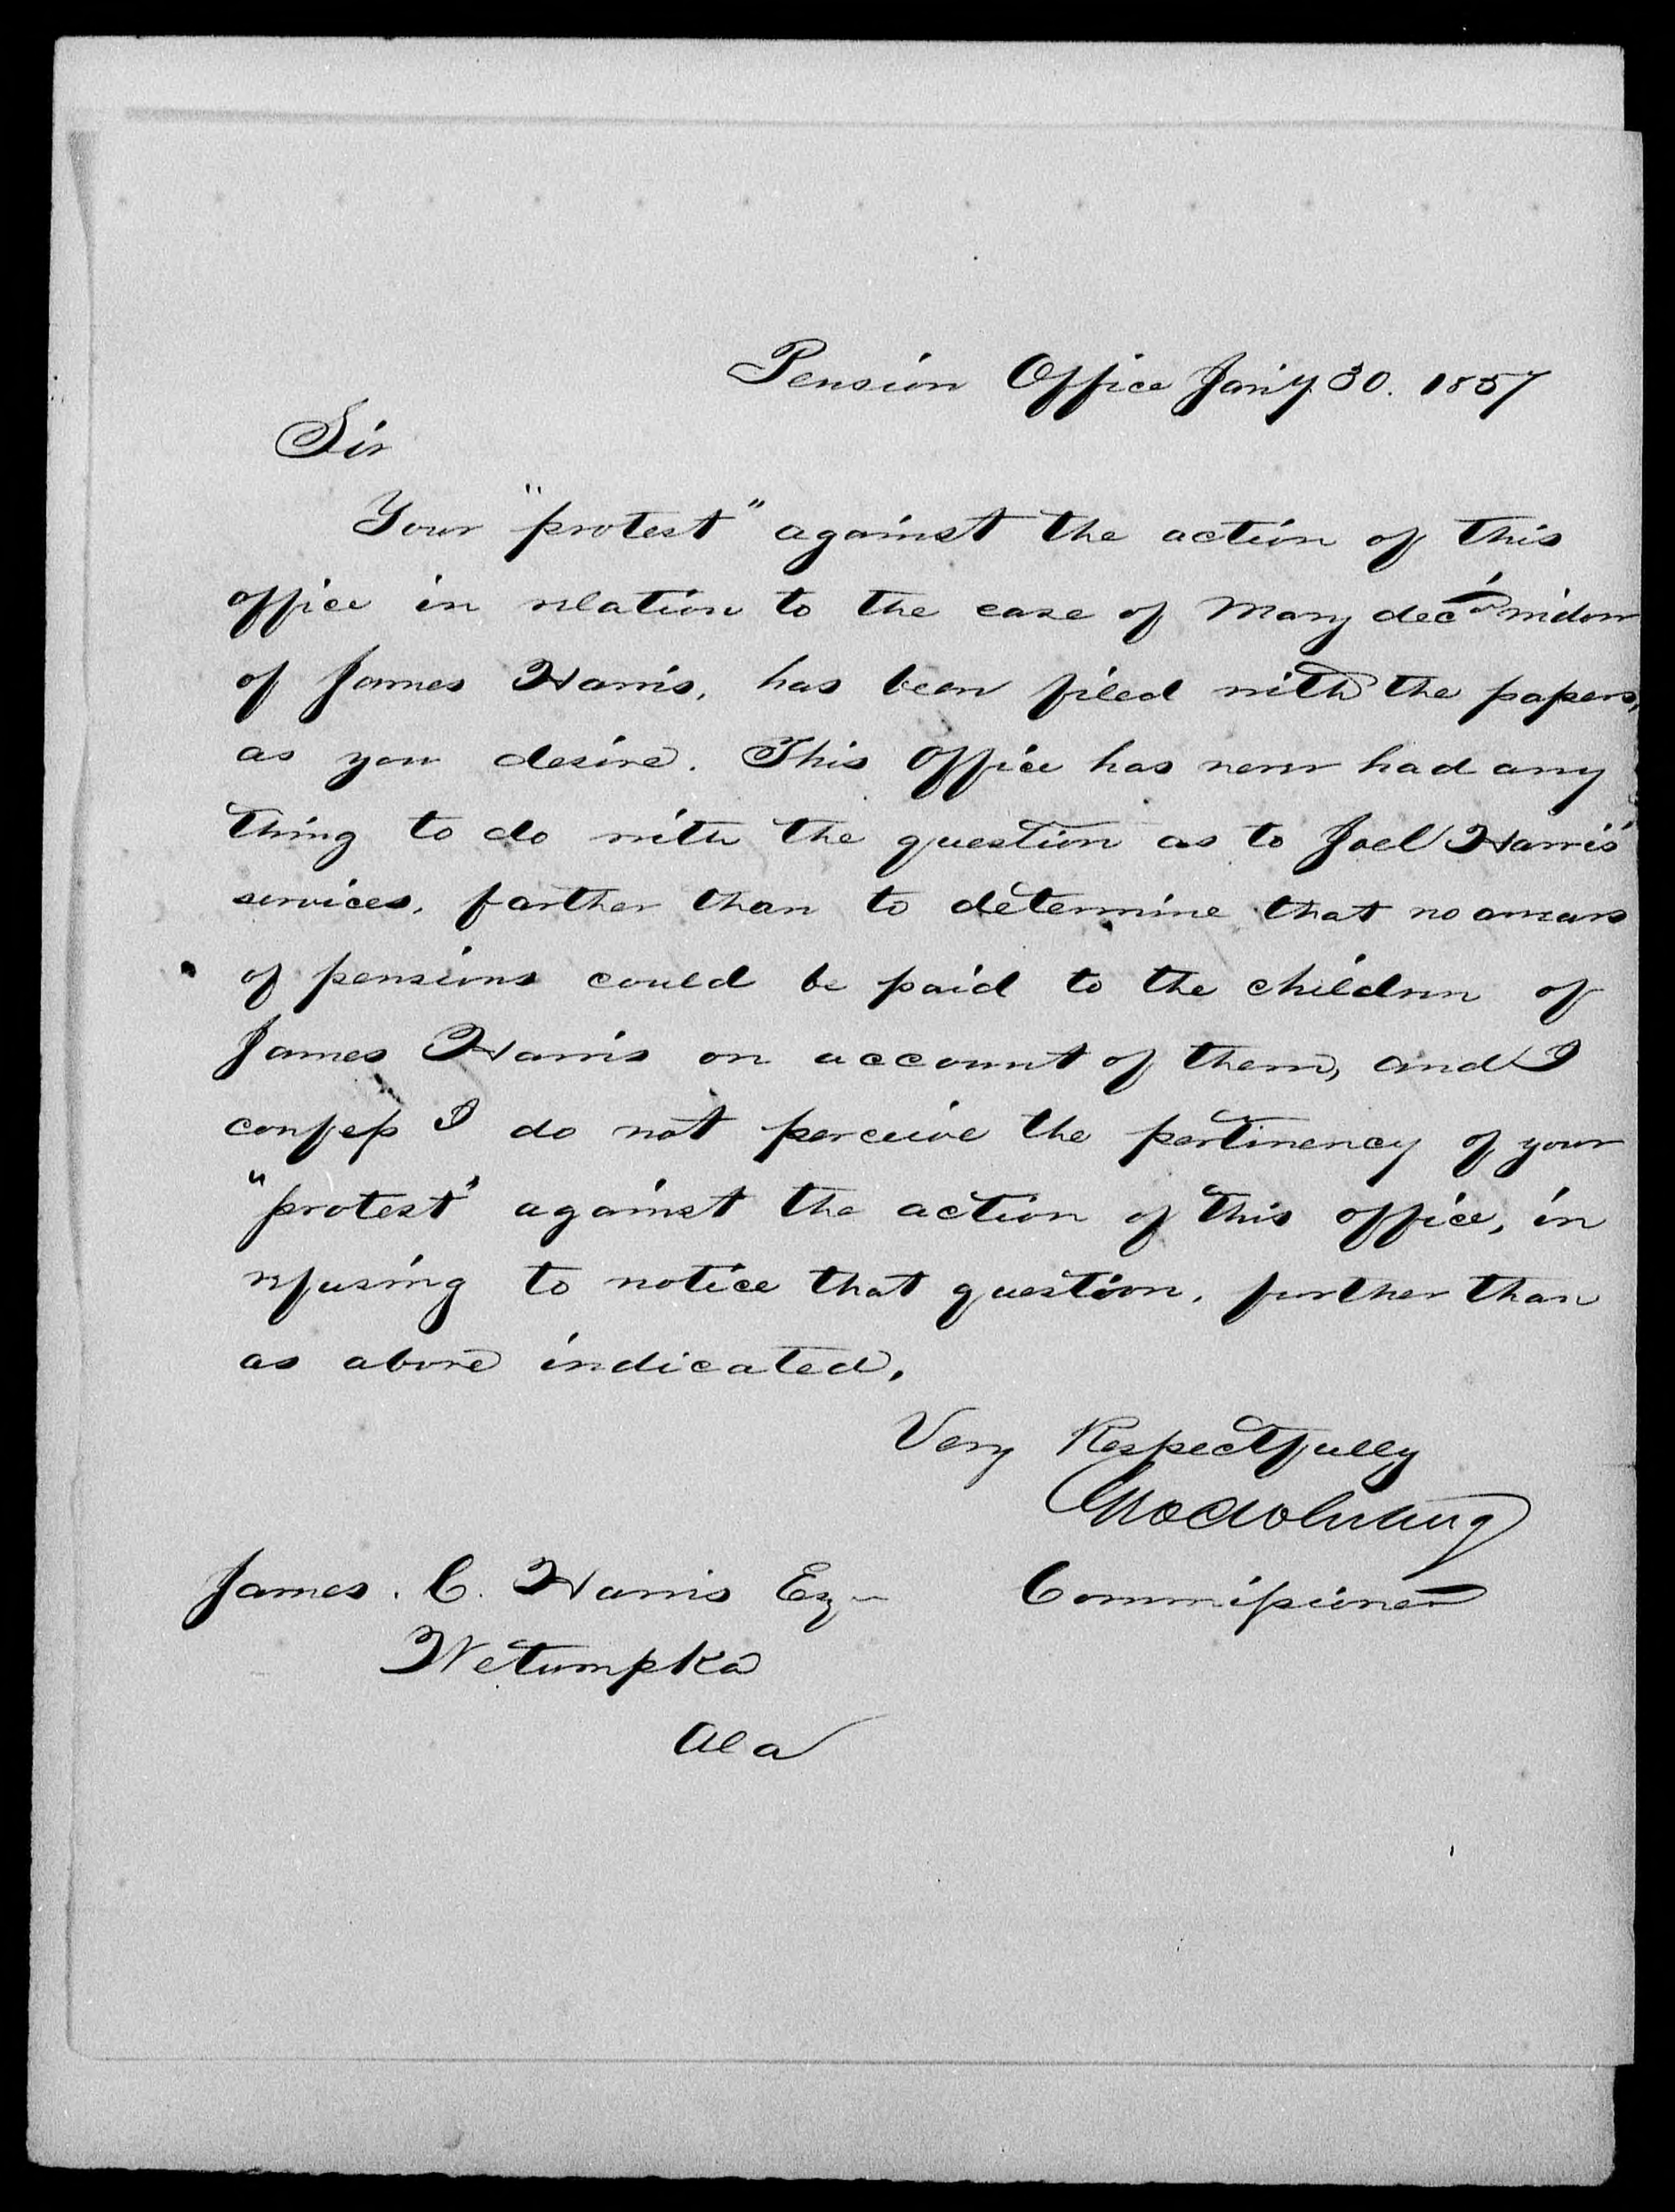Pension Office Jany 30, 1857
Sir
Your "protest" against the action of this office in relation to the case of Mary decd widow of James Harris, has been filed with the papers, as you desire.  This office has never had any thing to do with the question as to Joel Harris' services farther than to determine that no arrears of pensions could be paid to the children of James Harris on account of them, and I confess I do not perceive the pertinency of your "protest" against the action of this office, in refusing to notice that question, further than as above indicated.
Very Respectfully
Geo C Whiting
Commissioner

James C. Harris Esq-
Wetumpka
Ala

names: Joel Harris, James Harris, James Harris, Geo C Whiting, James C Harris, Mary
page: 102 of 160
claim: rejected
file: R. 4666, James Harris, Va.